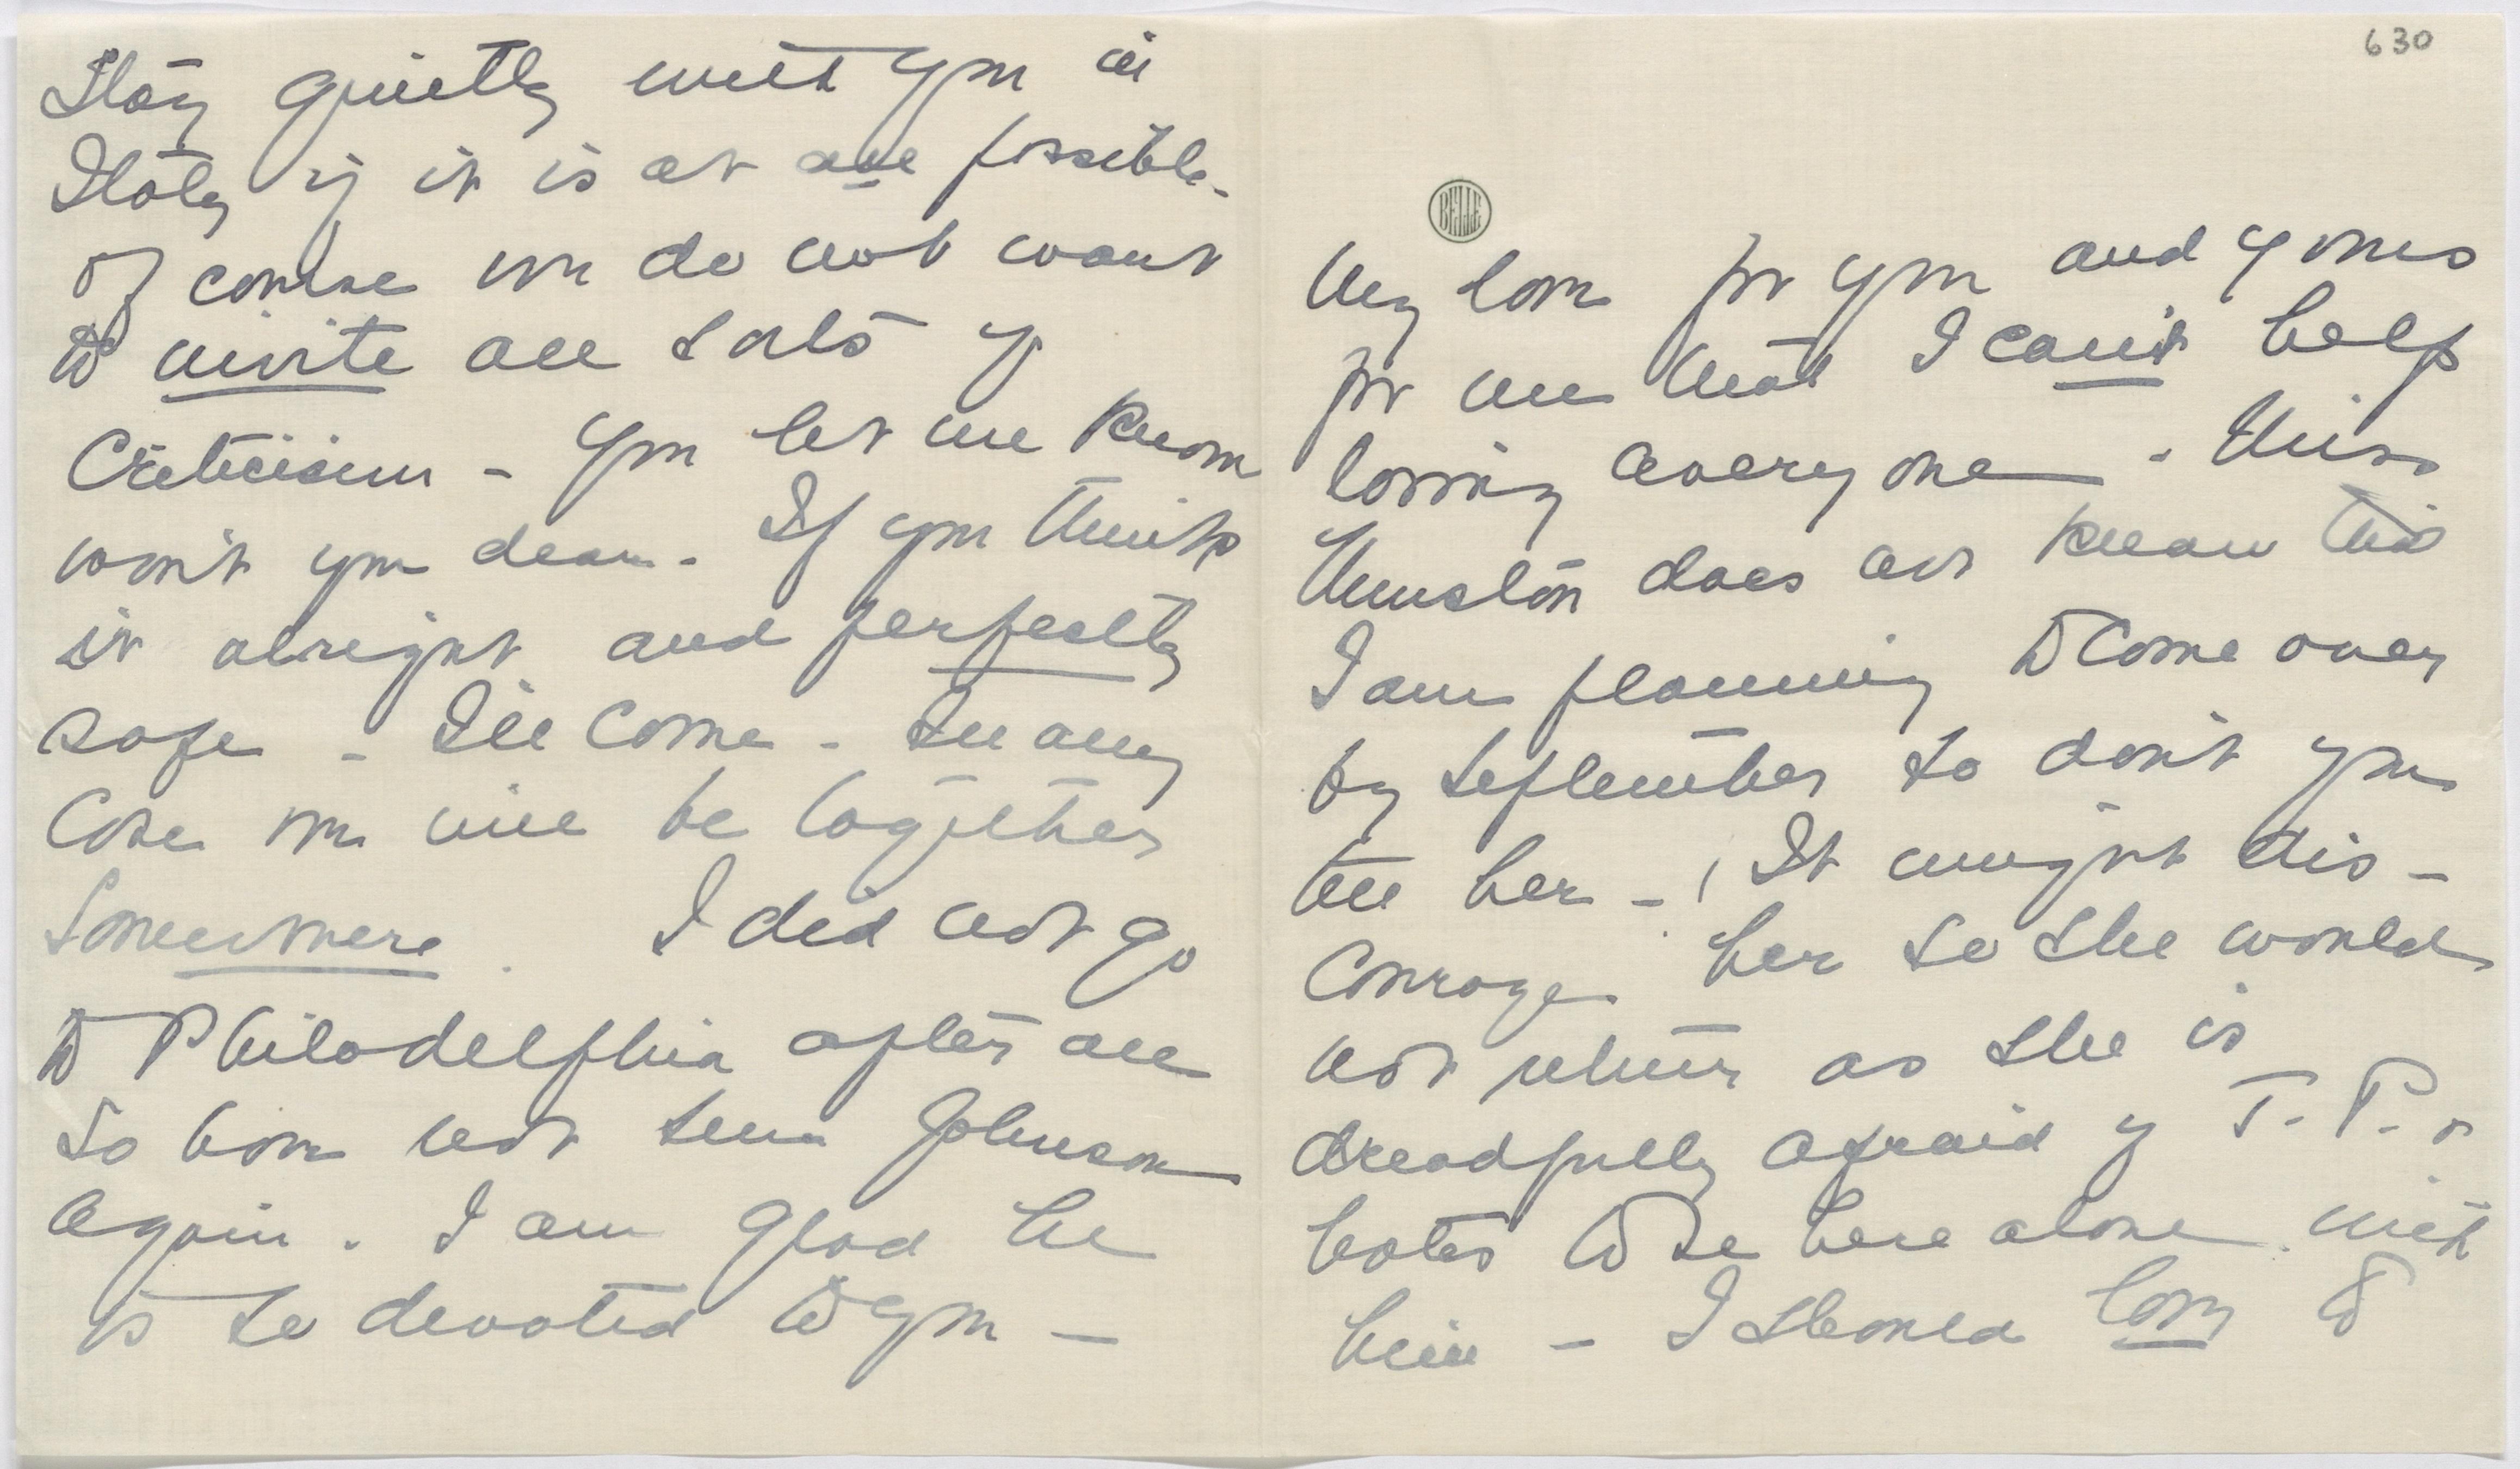my love for you and yours for me that I can’t help loving everyone – Miss Thurston does not know that I am planning to come over by September so don’t you tell her! – It might discourage her so she would not return as she is dreadfully afraid of J. P. & hates to be here alone with him – I should love to
stay quietly with you in Italy if it is at all possible – of course we do not want to invite all sorts of criticism – You let me know won’t you dear – If you think it alright and perfectly safe – I’ll come – In any case we will be together somewhere. I did not go to Philadelphia after all so have not seen Johnson again. I am glad he is so devoted to you –